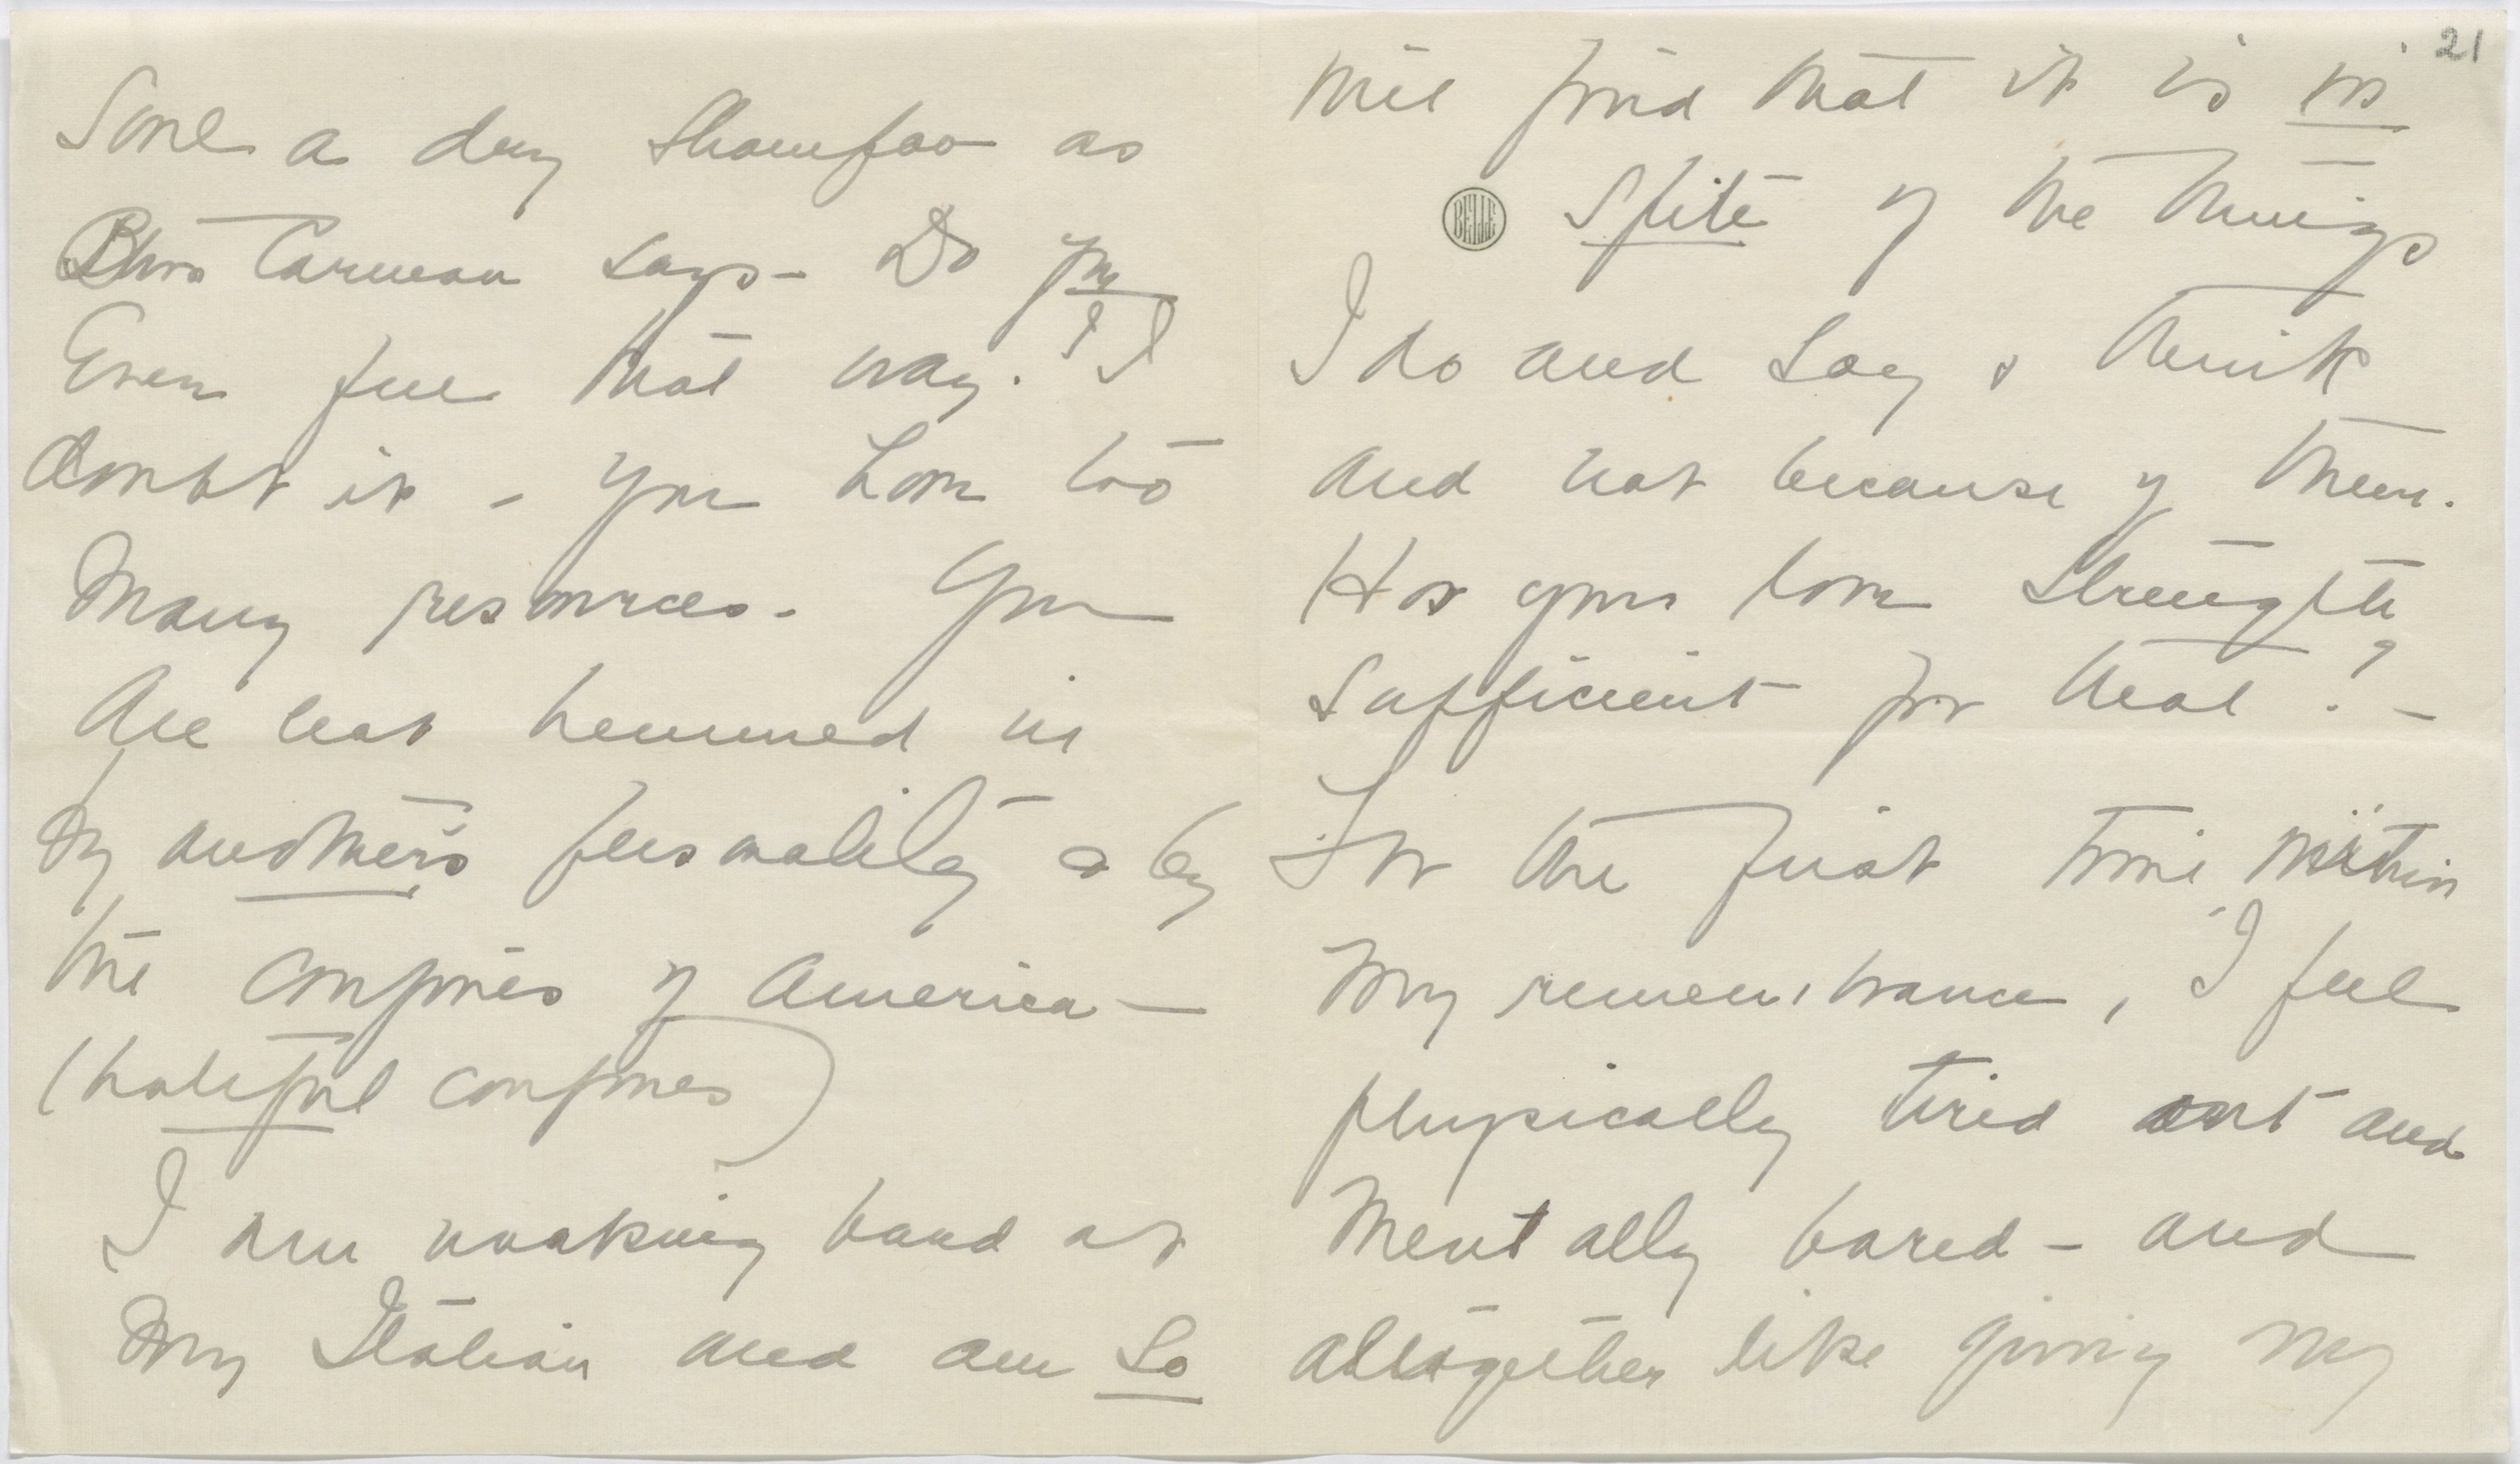will find that it is in spite of the things I do and say & think and not because of them. Has your love strength sufficient for that? – For the first time within my remembrance, I feel physically tired out and mentally bored – and altogether like giving my
soul a dry shampoo as Bliss Carman says – Do you ever feel that way? I doubt it – you have too many resources. You are not hemmed in by another’s personality & by the confines of America – (hateful confines)
I am working hard at my Italian and am so